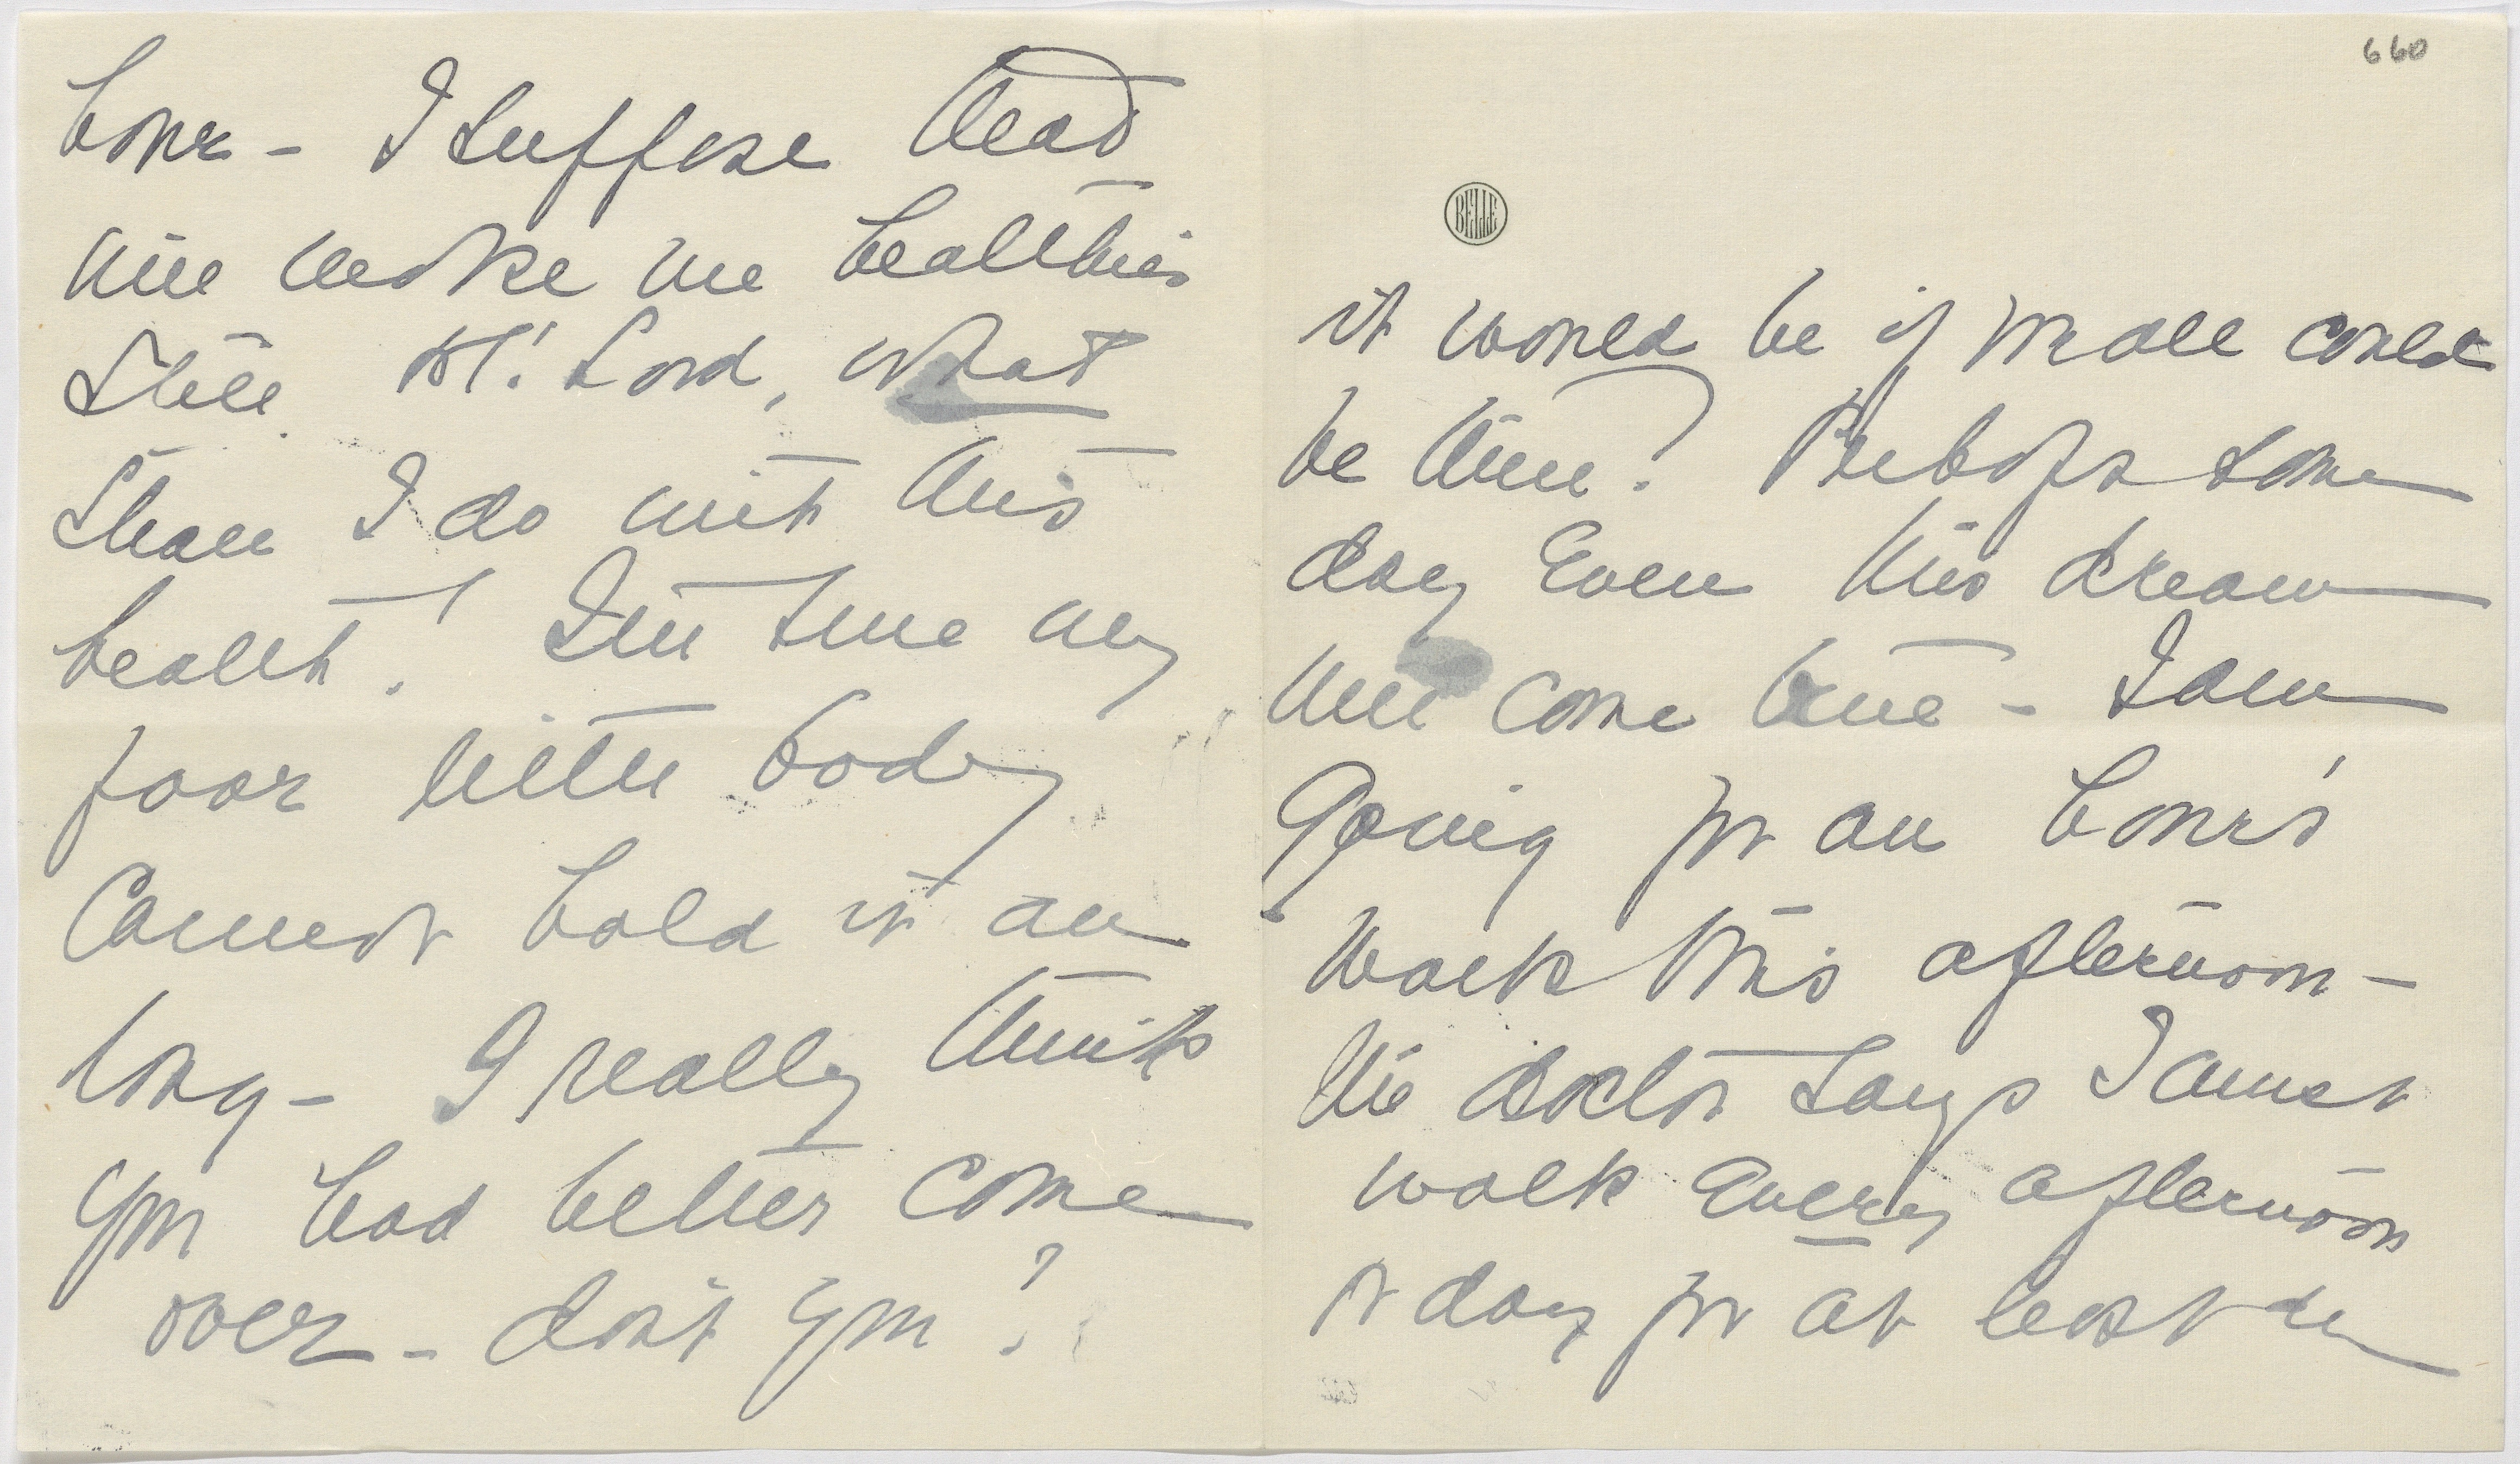it would be if we all could be there! Perhaps some day even this dream will come true – I am going for an hour’s walk this afternoon – the doctor says I must walk every afternoon or day for at least one
hour – I suppose that will make me healthier still oh! Lord, what shall I do with this health! I’m sure my poor little body cannot hold it all long – I really think you had better come over – don’t you?